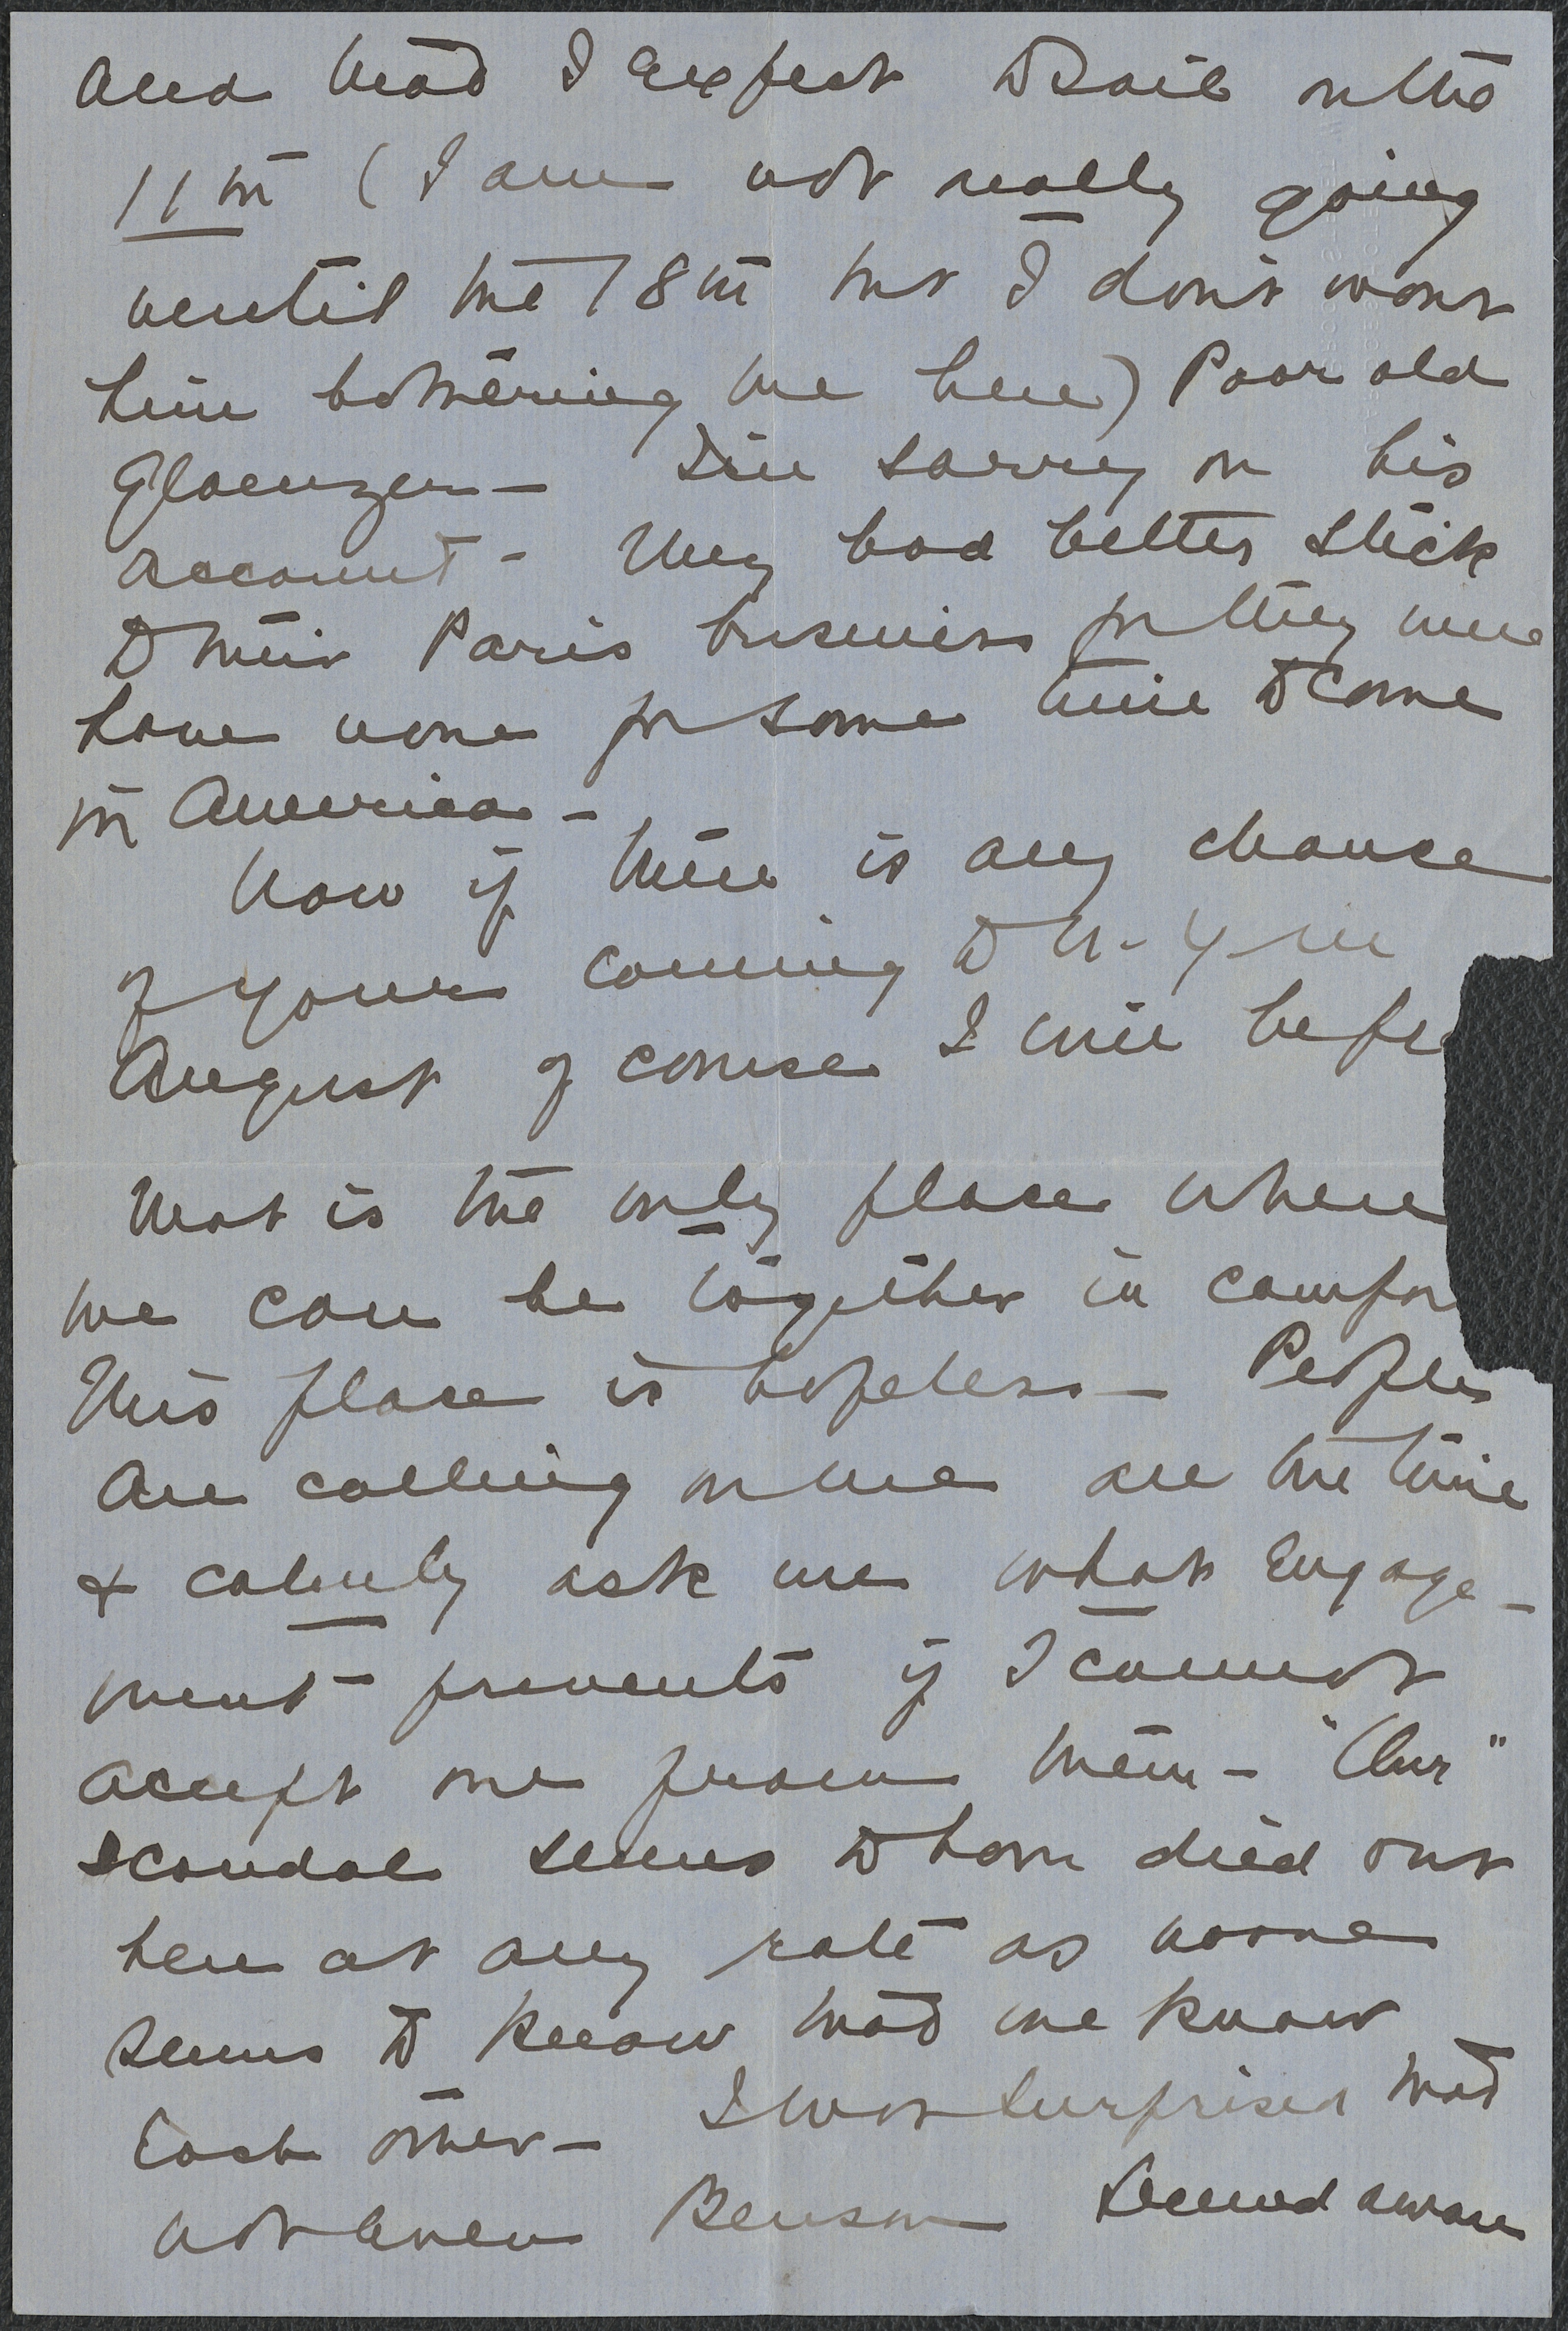and that I expect to sail on the 11th (I am not really going until the 18th but I don’t want him bothering me here) Poor old Glaenzer – I’m sorry on his account – they had better stick to their Paris business for they will have none for some time to come in America –
Now if there is any chance of you coming to N.Y. in August of course I will be free
That is the only place where we can be together in comfort
This place is hopeless – People are calling on me all the time & calmly ask me what engagement prevents if I cannot accept one from them – “Our” scandal seems to have died out here at any rate as noone seems to know that we know each other – I was surprised that not even Benson seemed aware